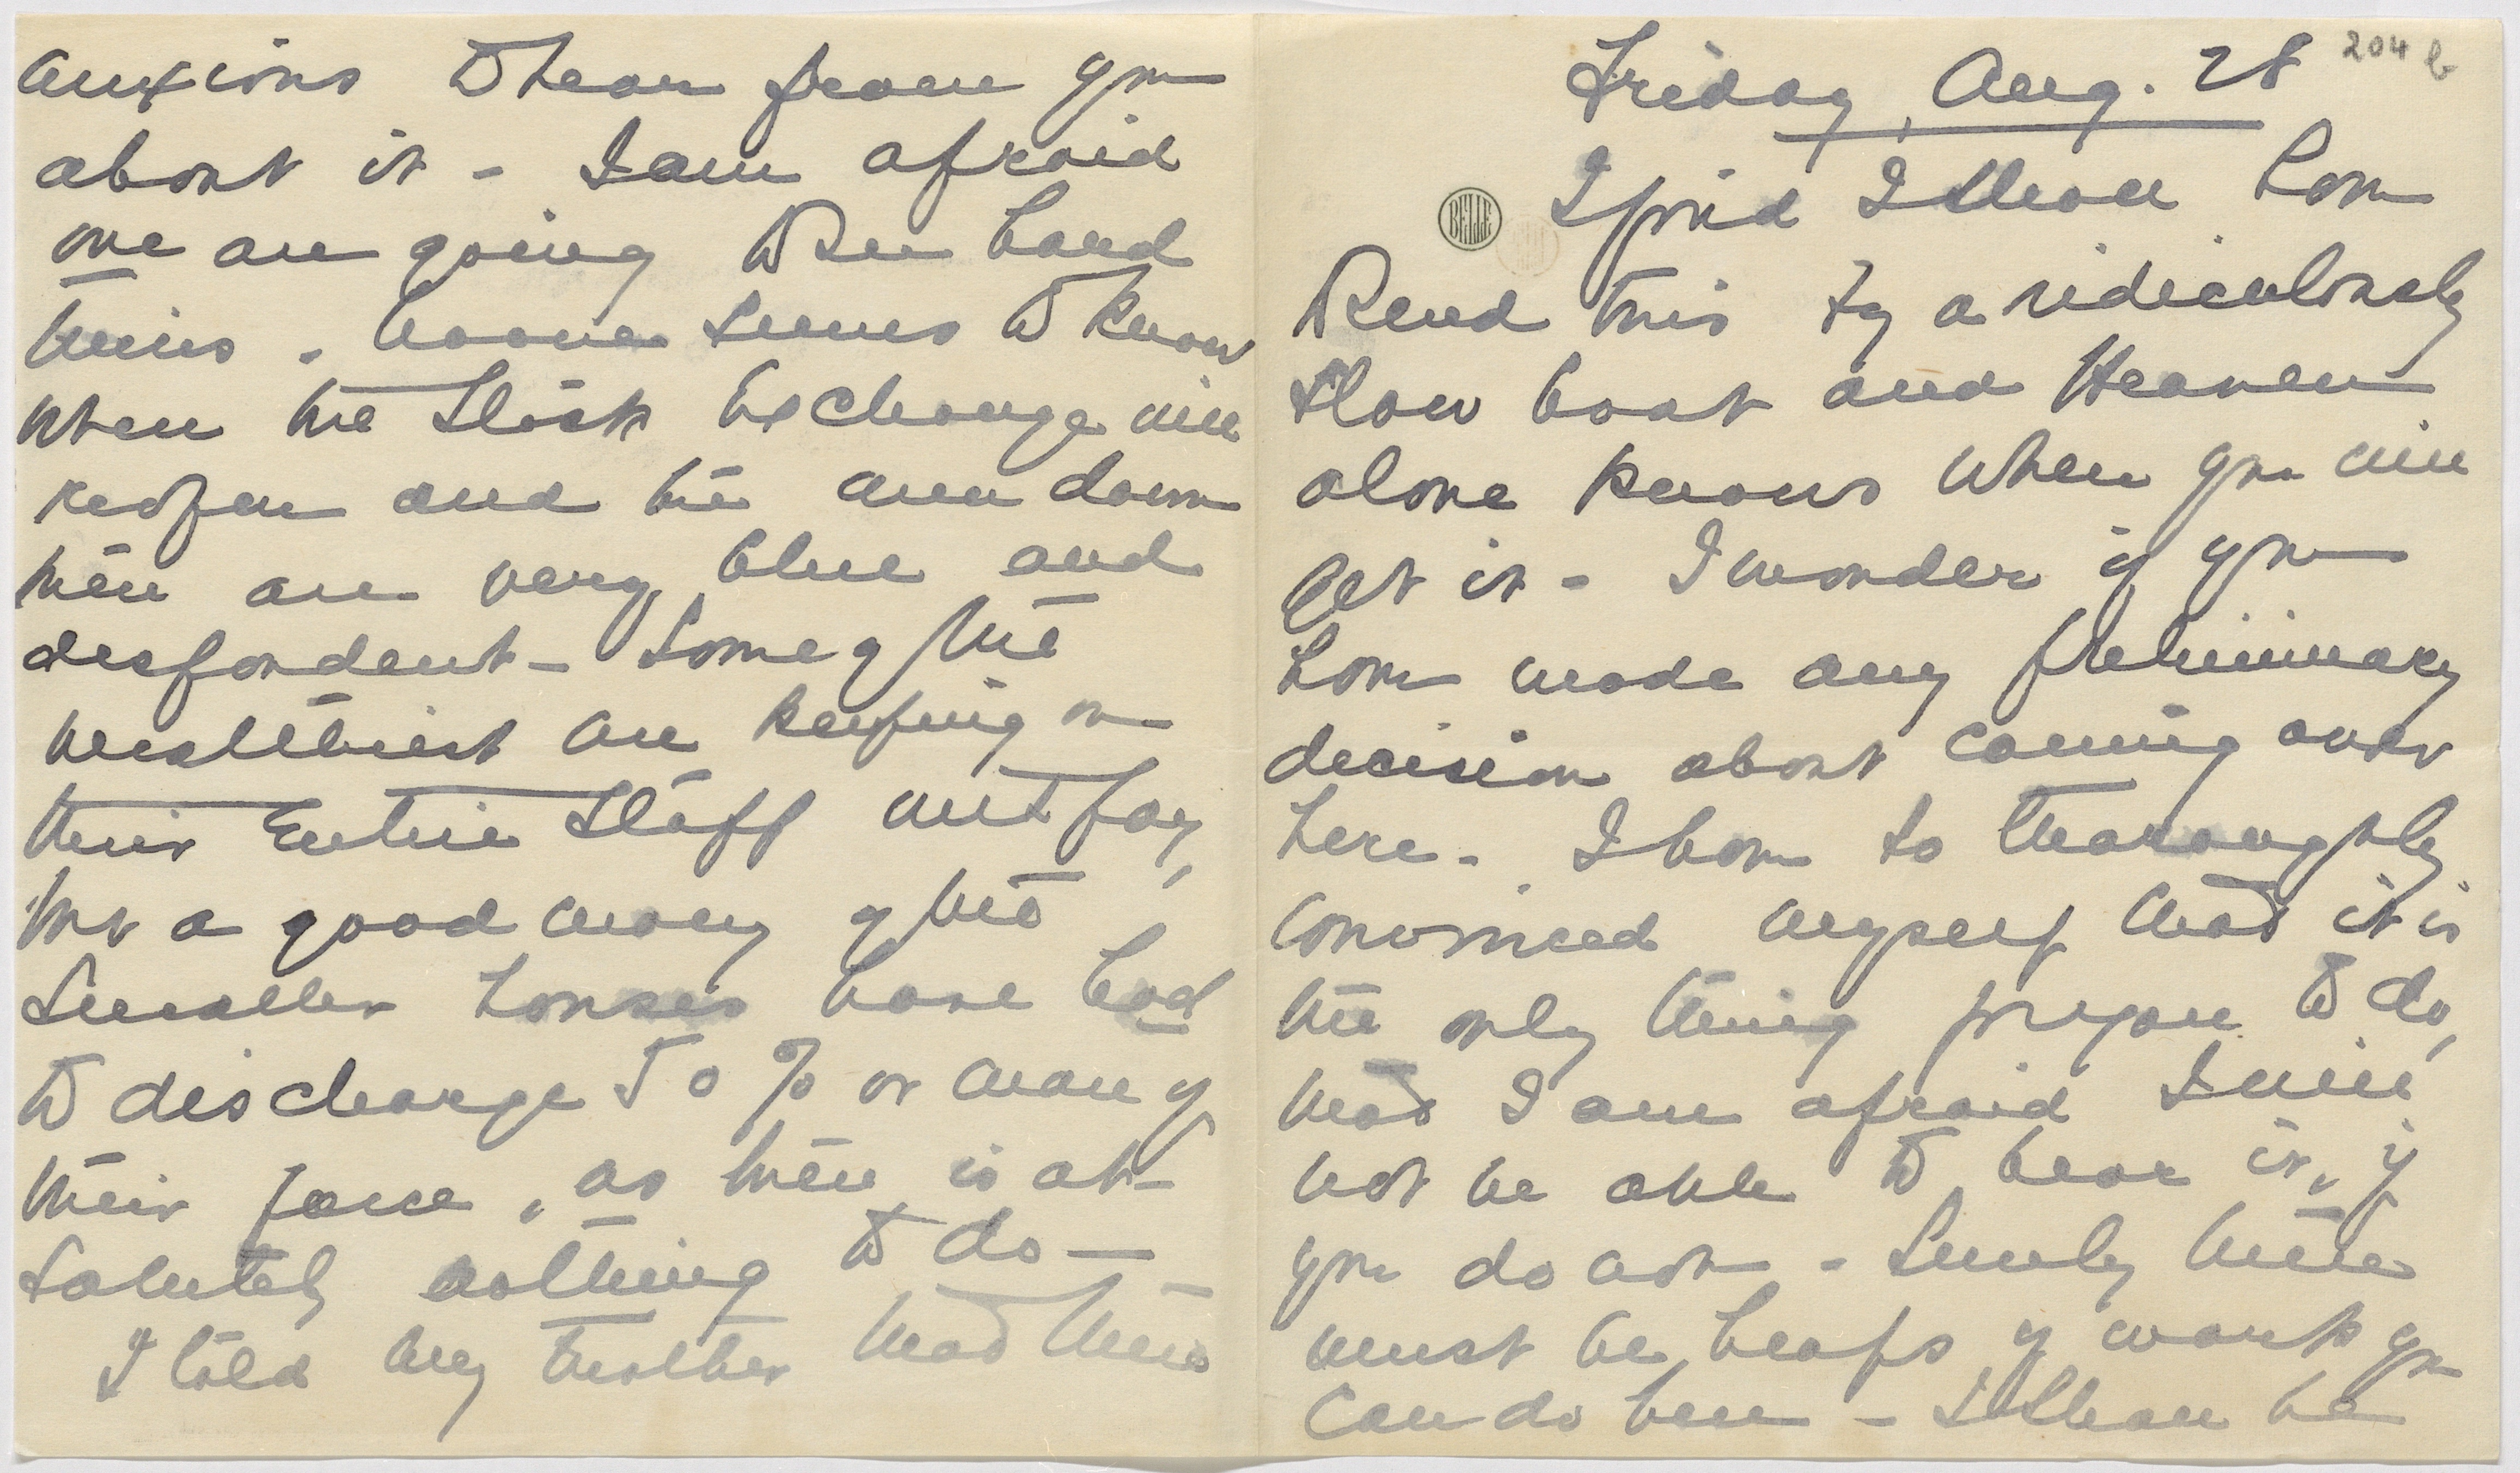Friday, Aug, 28
I find I shall have to send this by a ridiculously slow boat and Heaven alone knows where you will get it – I wonder if you have made any preliminary decision about coming over here – I have so thoroughly convinced myself that it is the only thing for you to do, that I am afraid I will not be able to bear it, if you do not – Surely there must be heaps of work you can do here – I shall be
anxious to hear from you about it – I am afraid we are going to see hard times – No one seems to know when the Stock Exchange will reopen and the men down there are very blue and despondent – Some of the wealthiest are keeping on their entire staff with pay, but a good many of the smaller houses have had to discharge 50% of more of their force, as there is absolutely nothing to do – I told my mother that there